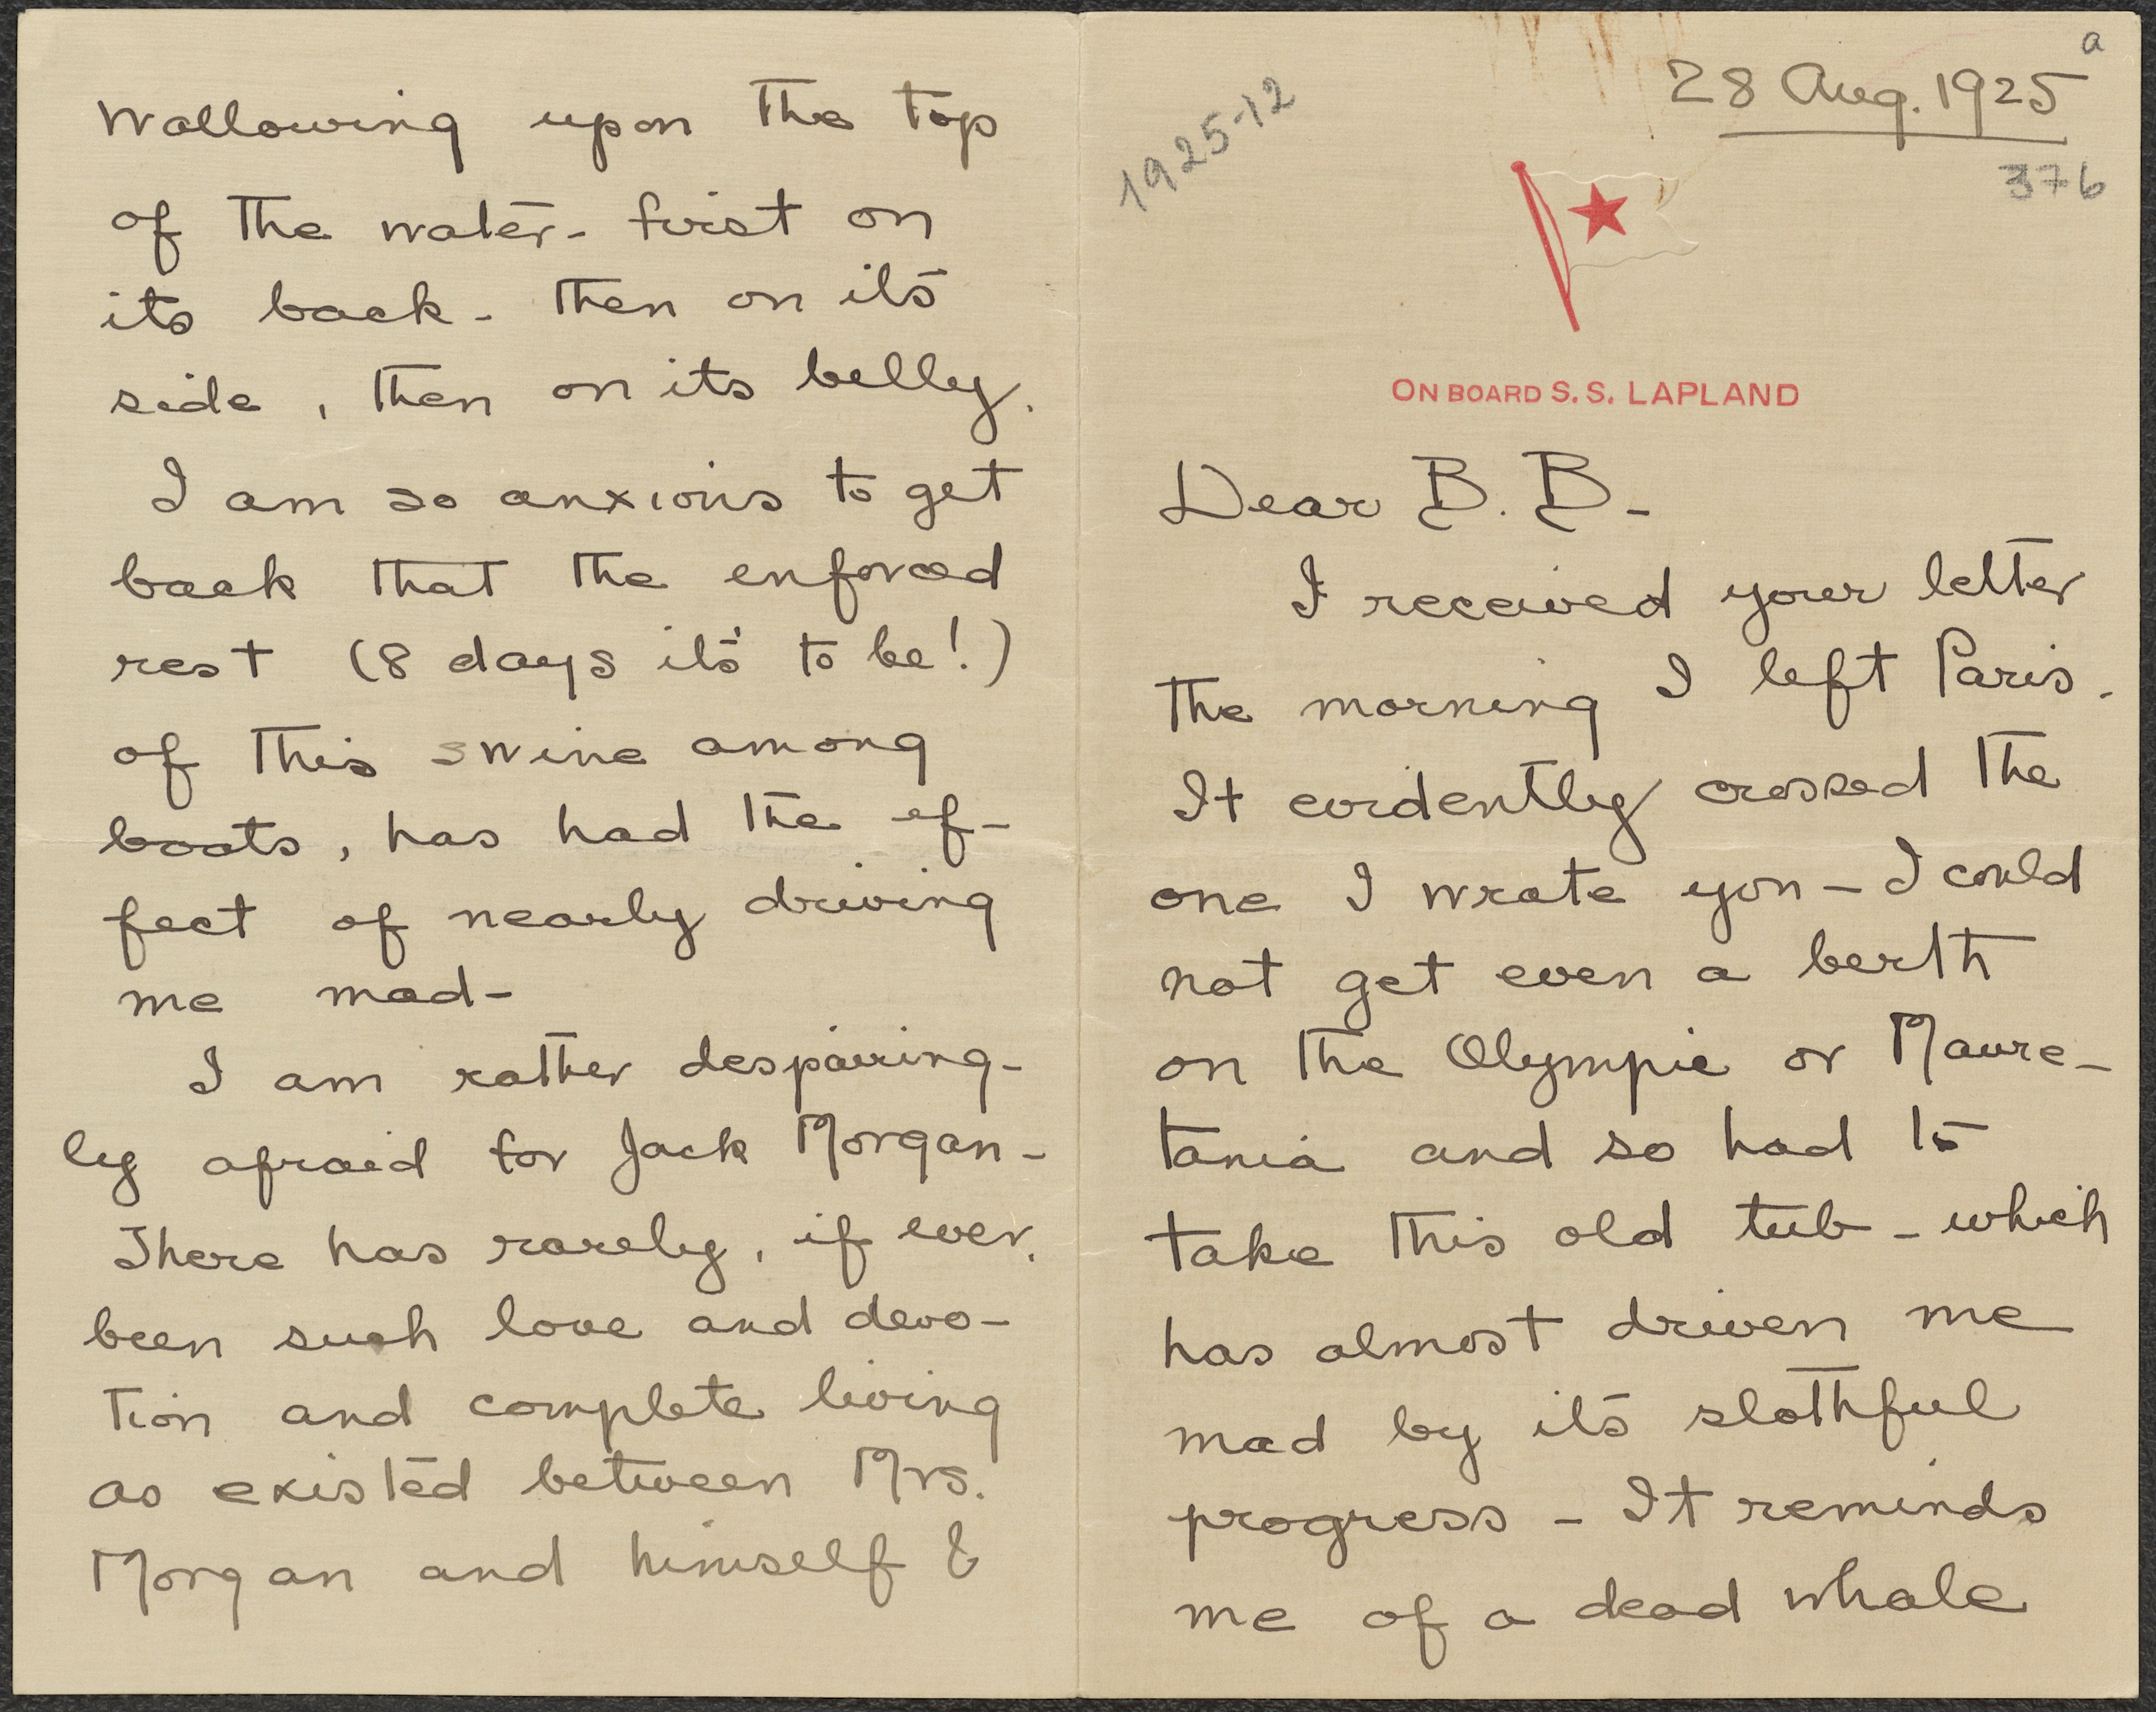28 Aug. 1925
Dear B.B –
I received your letter the morning I left Paris. It evidently crossed the one I wrote you –
I could not get even a berth on the Olympic or Mauretania and so had to take this old tub – which has almost driven me mad by its slothful progress – it reminds me of a dead whale
wallowing upon the top of the water, first on its back, then on its side, then on its belly.
I am so anxious to get back that the enforced rest (8 days it's to be!) of this swine among boats, has had the effect of nearly driving me mad –
I am rather despairingly afraid for Jack Morgan –
There has rarely, if ever, been such love and devotion and complete living as existed between Mrs. Morgan and himself &